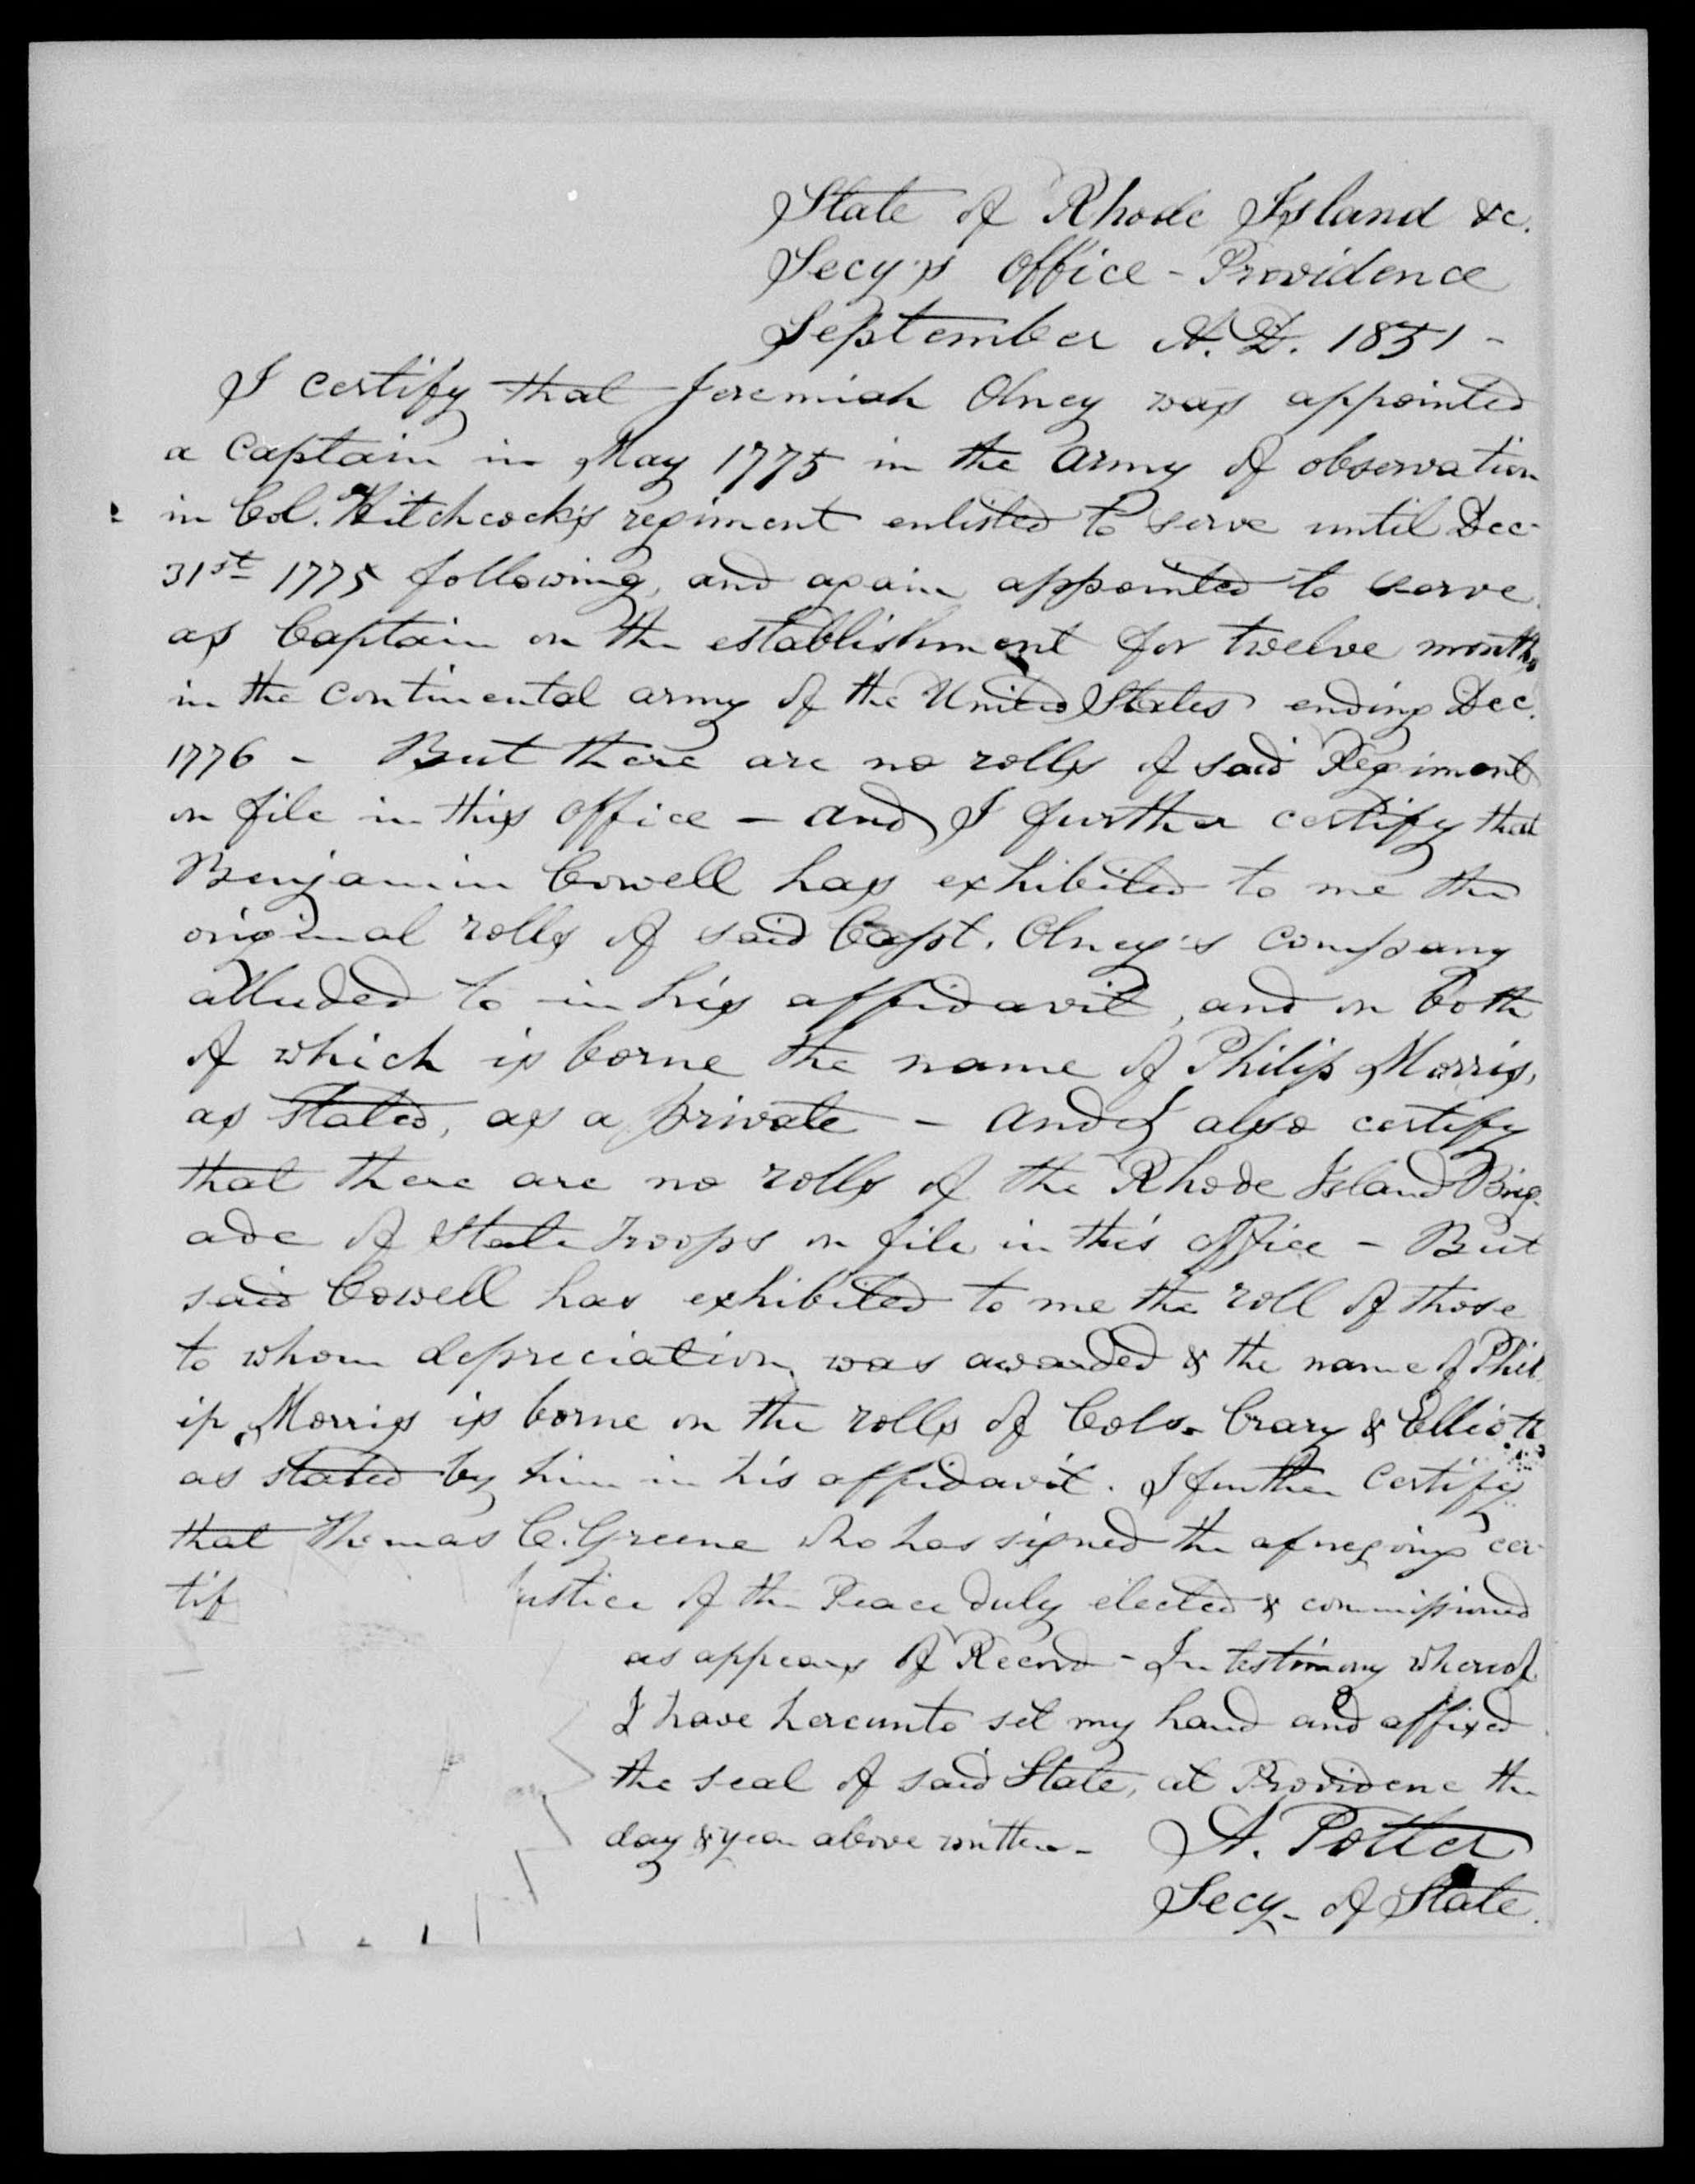State of Rhode Island
Secy's Office - Providence
September A.D. 1851

I certify that Jeremiah Olney was appointed a Captain in May 1775 in the Army of observation in Col. Hitchcock's regiment enlisted to serve until Dec 31st 1775 following and again appointed to serve as Captain on the establishment for twelve months in the Continental army of the United States ending Dec. 1776 - But there are no rolls of said Regiment on  file in this office - and I further certify that Benjamin Cowell has exhibited to me the original rolls of said Capt. Olney's company alluded to in his affidavit, and in both of which is borne the name of Philip Morris, as stated, as a private - and I also certify that there are no rolls of the Rhode Island Brigade of state troops on file in this office - But said Cowell has exhibited to me the roll of those to whom depreciation was awarded  & the name of Philip Morris is borne on the rolls of Colo Crary & Elliott as stated by him in his affidavit. I further certify that Thomas C. Greene who has signed the aforegoing certif  Justice of the Peace duly elected & confirmed as appears of [illegible] - In testimony whereof I have hereunto set my hand and affixed the seal of said State, at Providence the and & year above written.
A. Potter
Secy . of State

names: [BLANK] Crary; Philip Morris; Benjamin Cowell; Thomas C Greene; [BLANK] Elliott; A Potter; Jeremiah Olney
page: 28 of 44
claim: survivor's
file: S. 28,815, for Philip Morris, Rhode Island